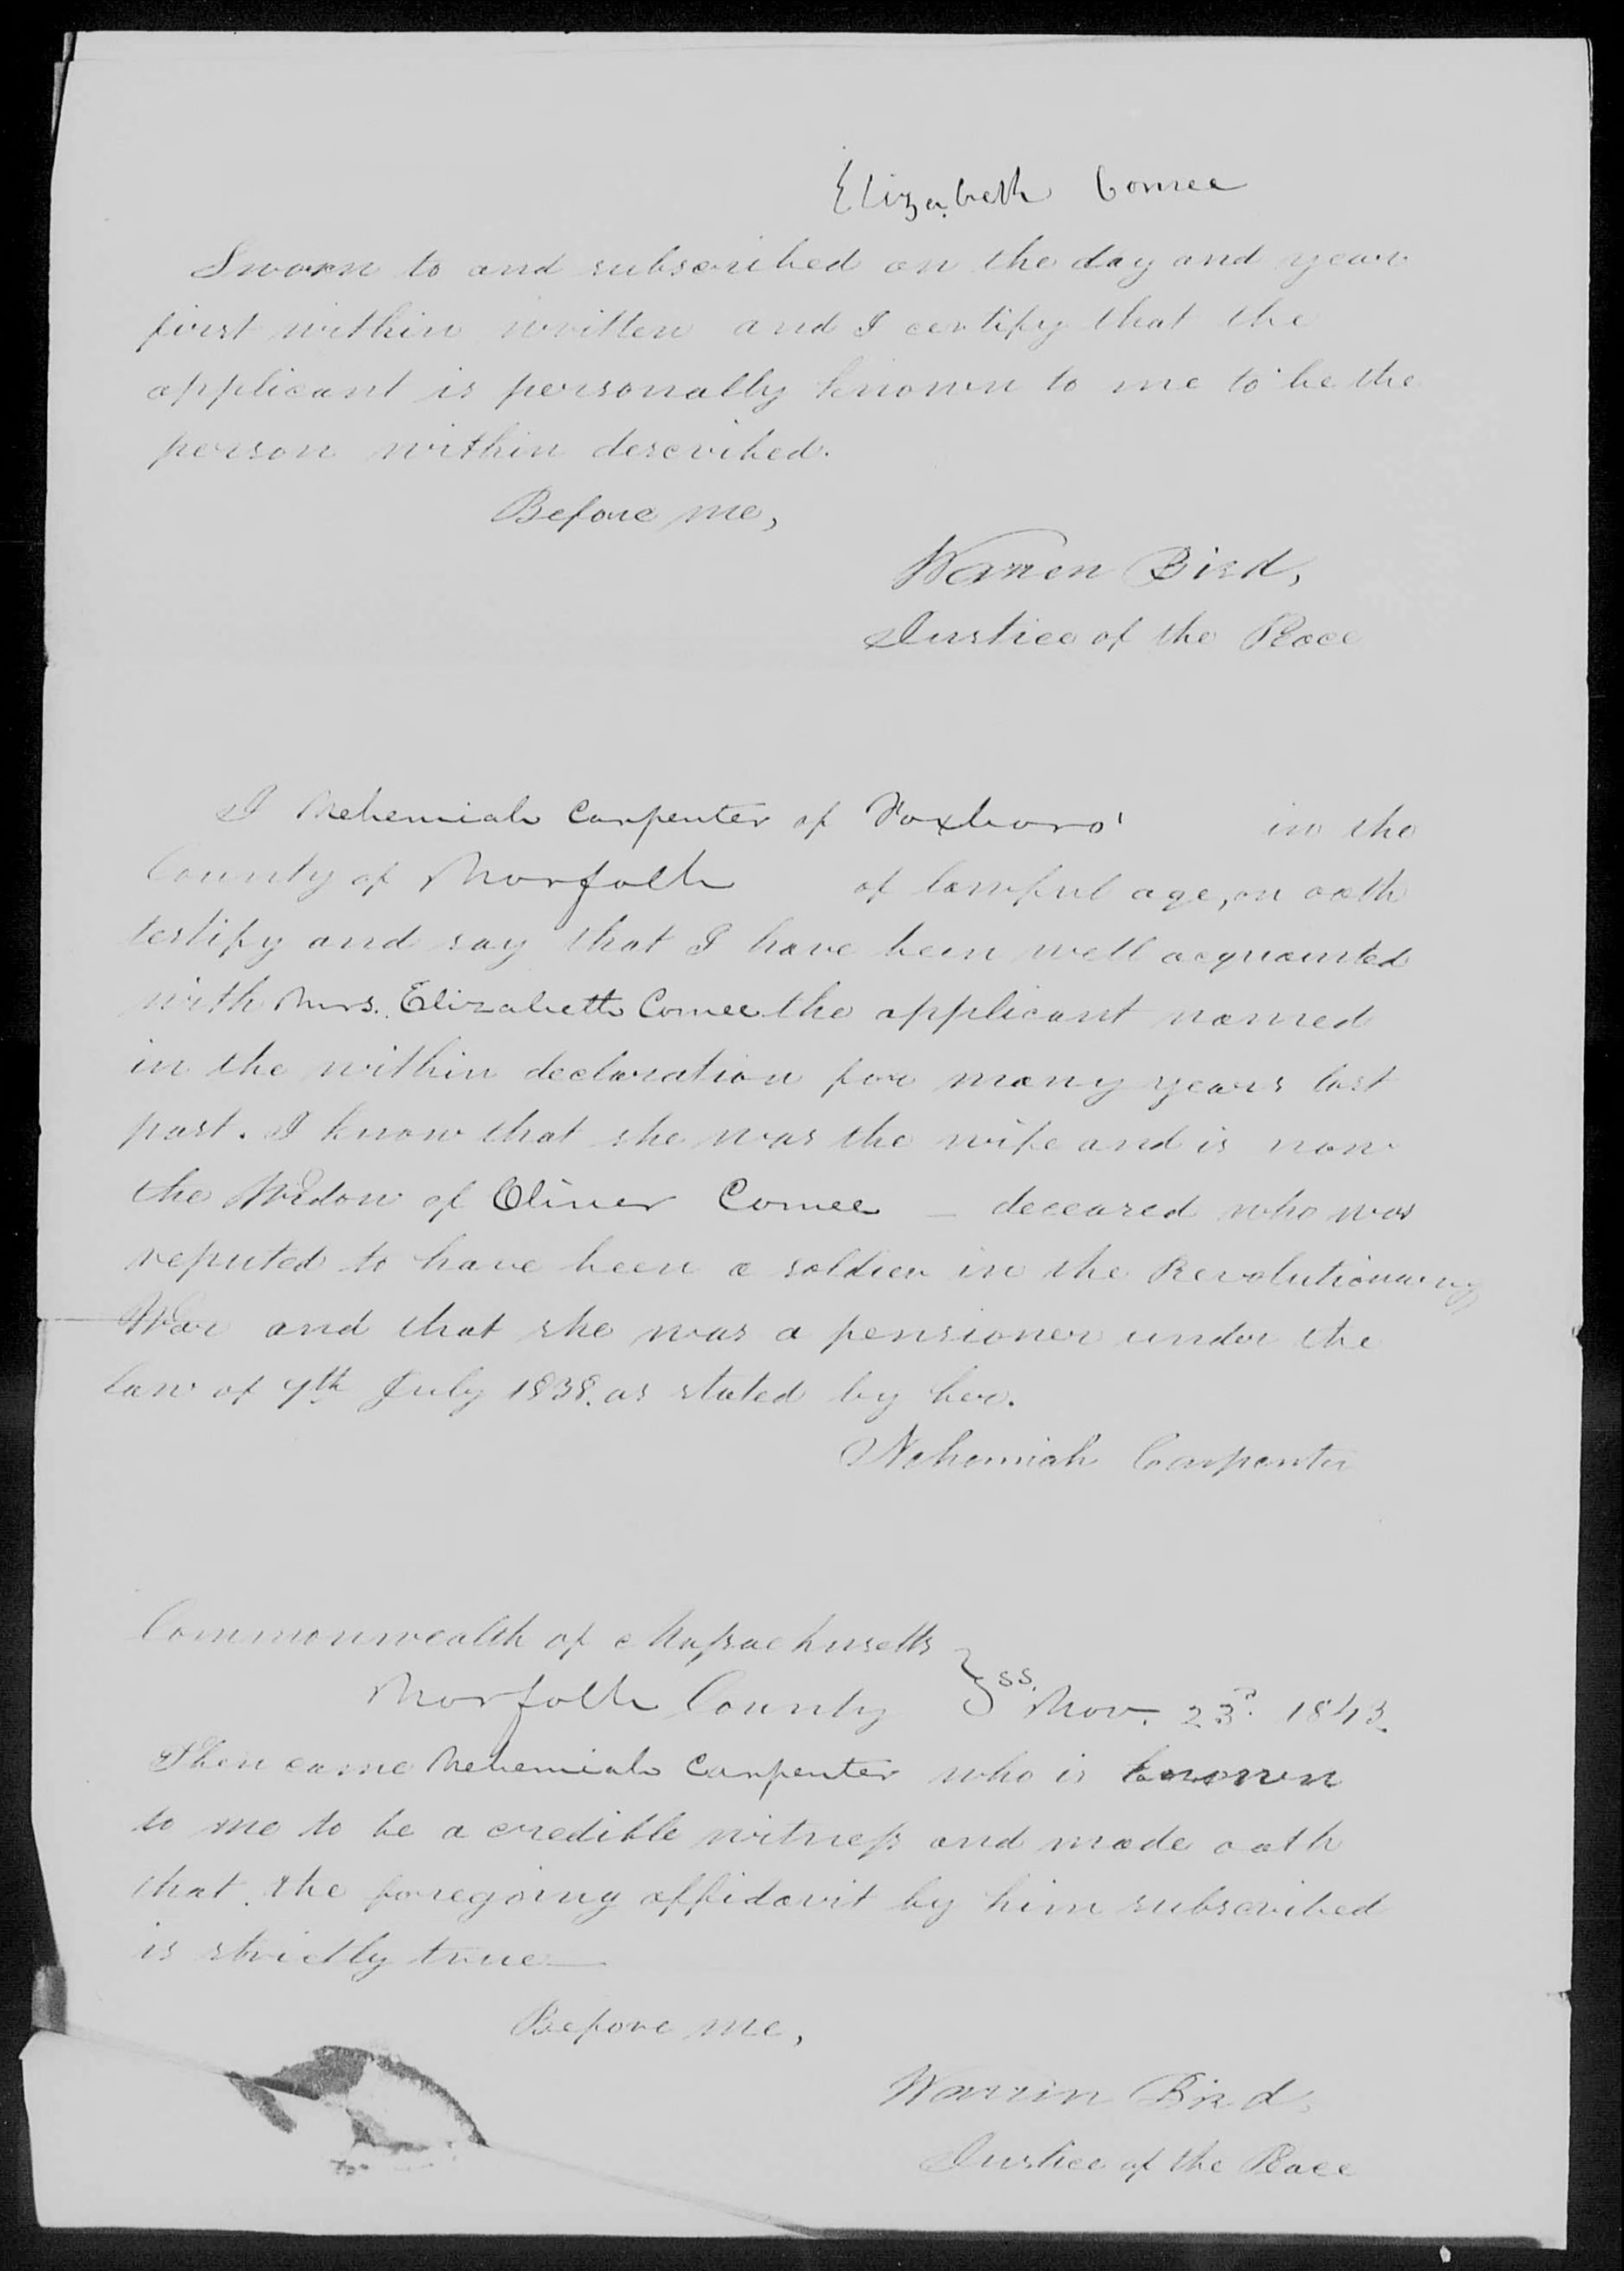Elizabeth Comee
Sworn to and subscribed on the day and year first within written and I certify that the applicant is personally known to me to be the person within described.
Before me, 
Warren Bird, 
Justice of the Peace

 I Nehemiah Carpenter of Foxboro’ in the County of Norfolk of lawful age, on oath certify and say that I have been well acquainted with Mrs. Elizabeth Comee the applicant named in the within declaration for many years last past. I know that she was the wife and is now the Widow of Oliver Comee - deceased who was reputed to have been a soldier in the Revolutionary War and that she was a pensioner under the law of 7th July 1838 as stated by her.
Nehemiah Carpenter 

Commonwealth of Massachusetts 
Norfolk County ⎬SS  Nov 23 1843 
There came Nehemiah Carpenter who is known to me to be a credible witness and made oath that the foregoing affidavit by him subscribed is strictly true- 
Before me,
Warren Bird,
Justice of the Peace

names: Warrin Bird, Oliver Comee, Warren Bird, Elizabeth Comee, Nehemiah Carpenter, Nehemiah Carpenter, Elizabeth Comee, Nehemiah Carpenter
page: 41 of 45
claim: widow's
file: W. 14,567, Oliver Comee, Mass.